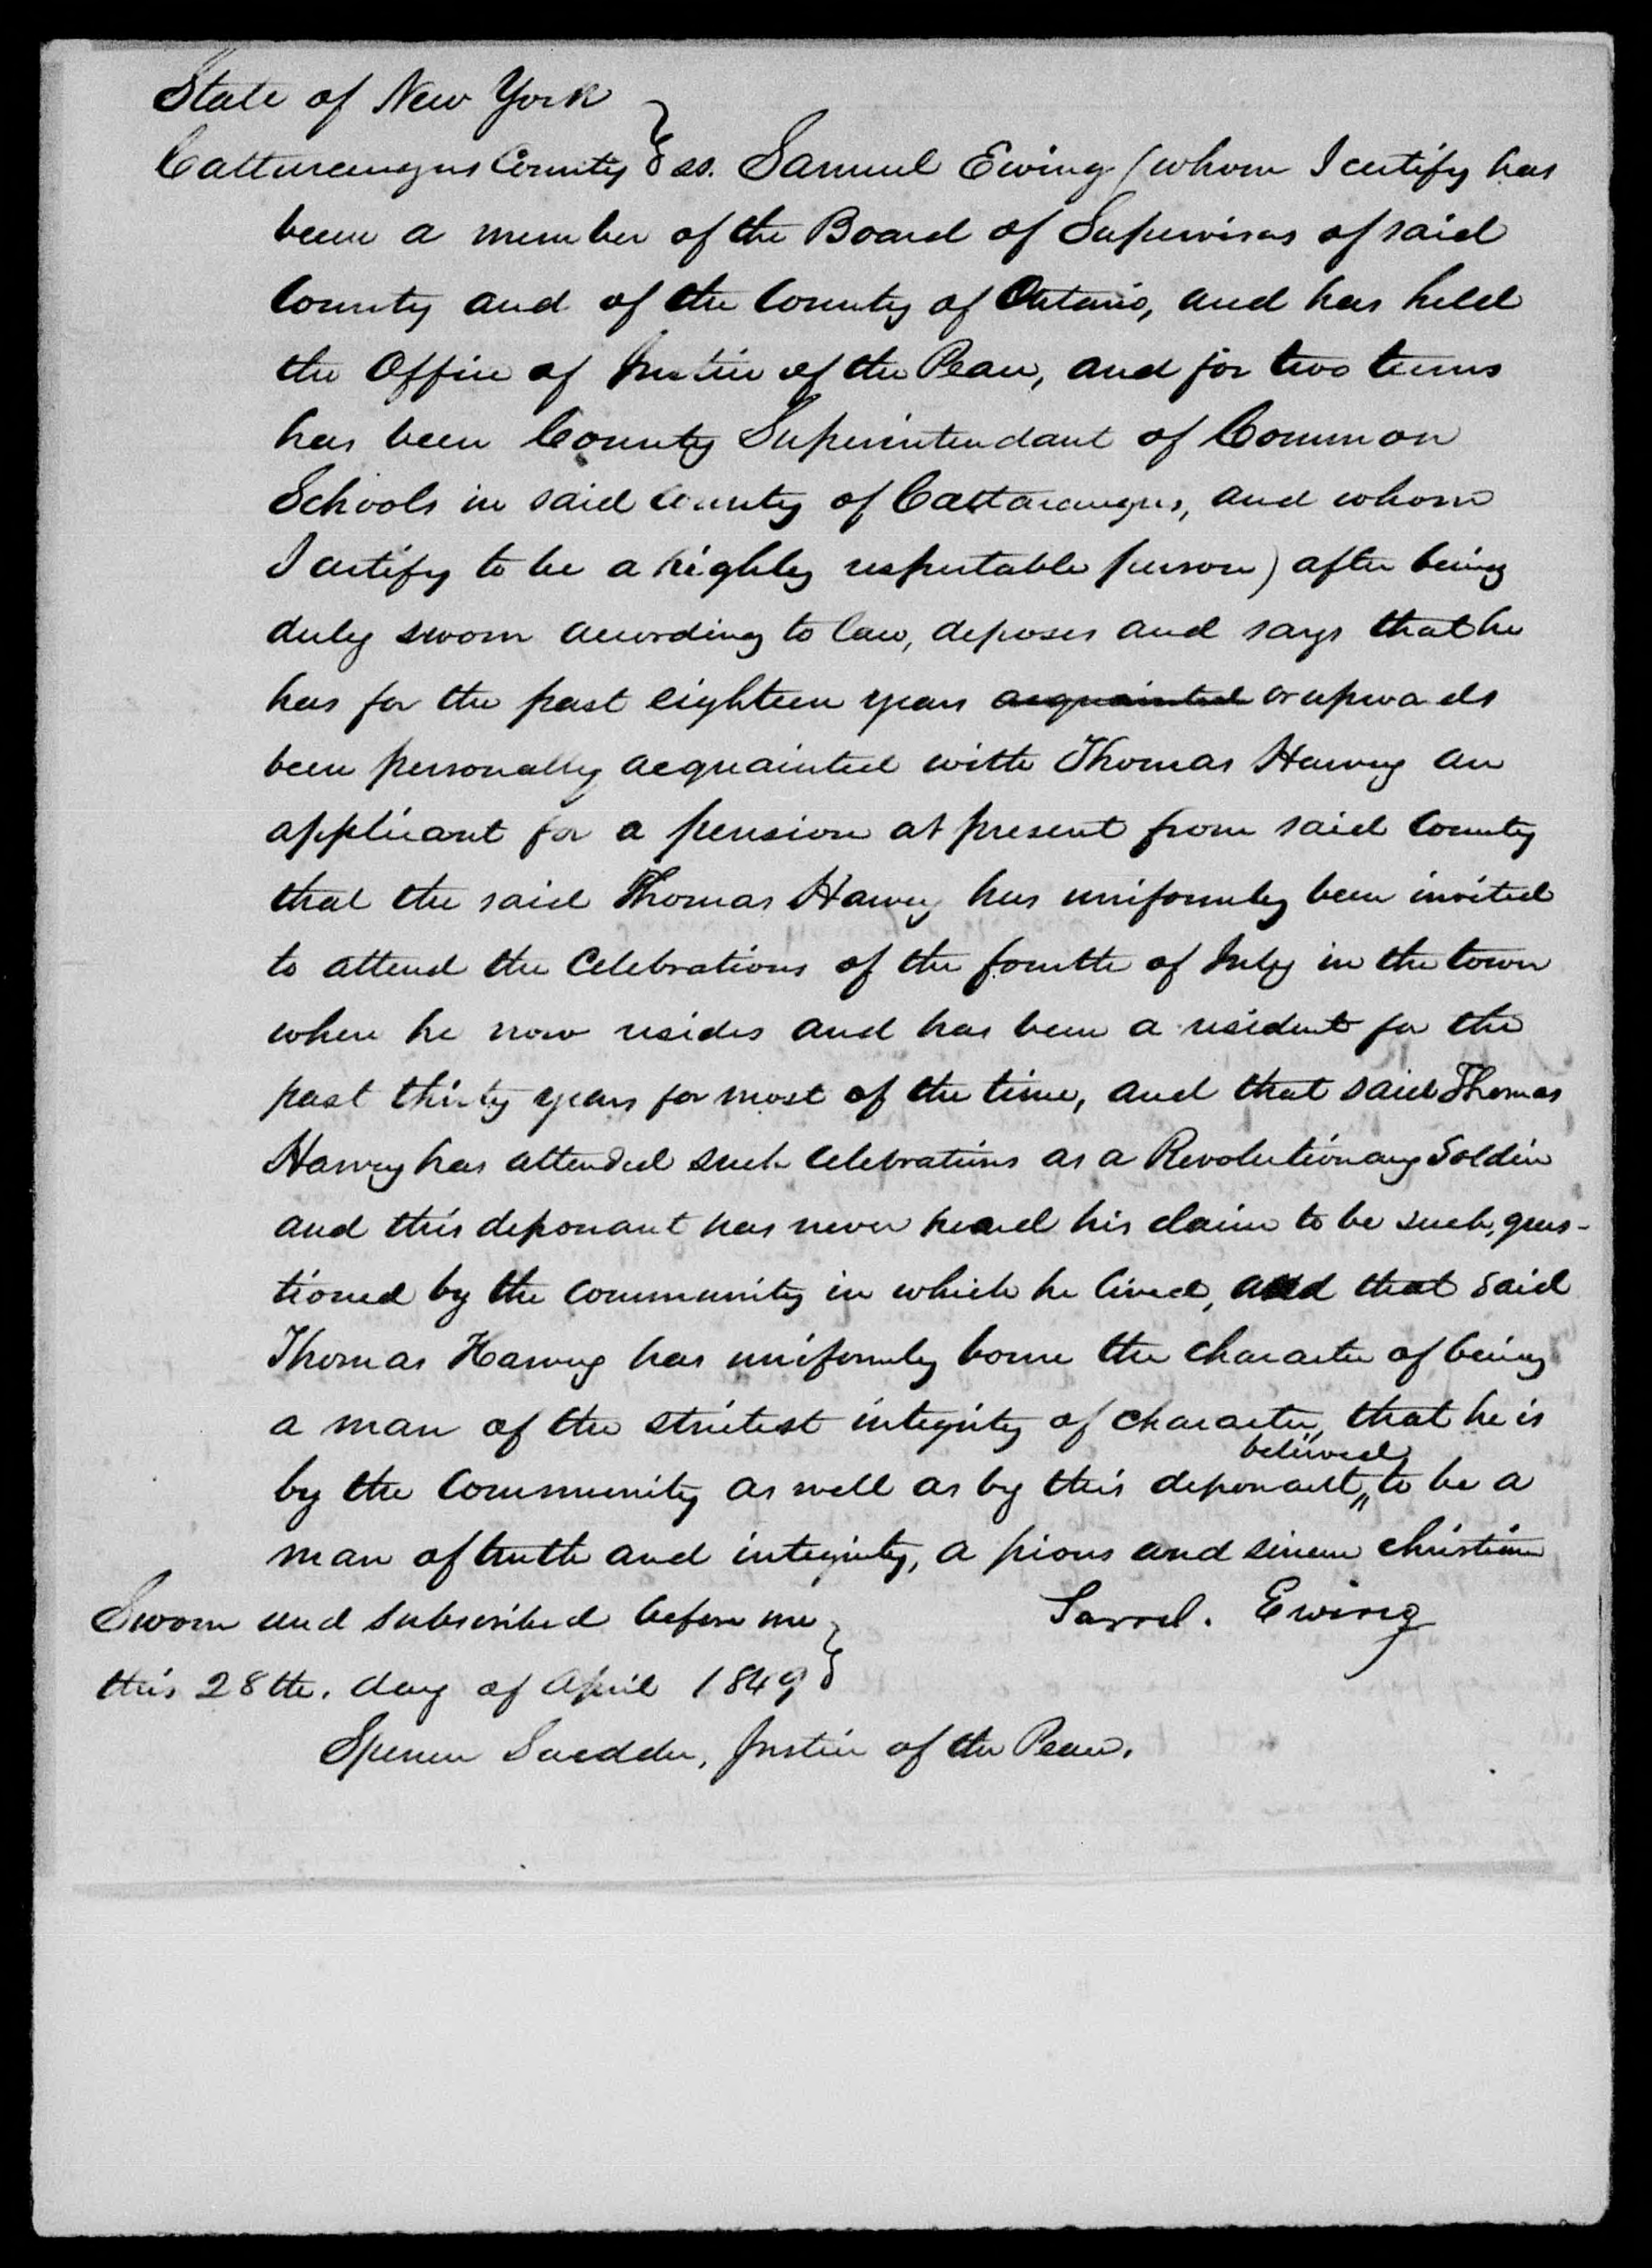State of New York
Cattaraugus County}ss. Samuel Ewing (whom I certify has been a member of the Board of Supervisors of said County and of the County of Ontario, and has held the Office of Justice of the Peace, and for two terms has been County Superintendent of Common Schools in said County of Cattaraugus, and whom I certify to be a highly respectable person) after being duly sworn according to law, deposes and says that he has for the past eighteen years ['acquainted' crossed out] or upwards been personally acquainted with Thomas Harvey an applicant for a pension at present from said County that the said Thomas Harvey has uniformly been invited to attend the Celebrations of the fourth of July in the town where he now resides and has been a resident for the past thirty years for most of the time, and that said Thomas Harvey has attended such celebrations as a Revolutionary Soldier and this deponant has never heard his claim to such, questioned by the community in which he lived, and that said Thomas Harvey has uniformly borne the character of being a man of strictest integrity of character, that he is by the community as well as by this deponant believed to be a man of truth and integrity, a pious and sincere christian. 
/s/Sam'l Ewing
Sworn and subscribed before me this 28th day of April 1849}
/s/Spencer Scudder, Justice of the Peace.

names: Saml Ewing, Thomas Harvey, Thomas Harvey, Spencer Scudder, Thomas Harvey, Thomas Harvey, Samuel Ewing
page: 62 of 80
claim: survivor's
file: S. 18008, Thomas Harvey, N.H.